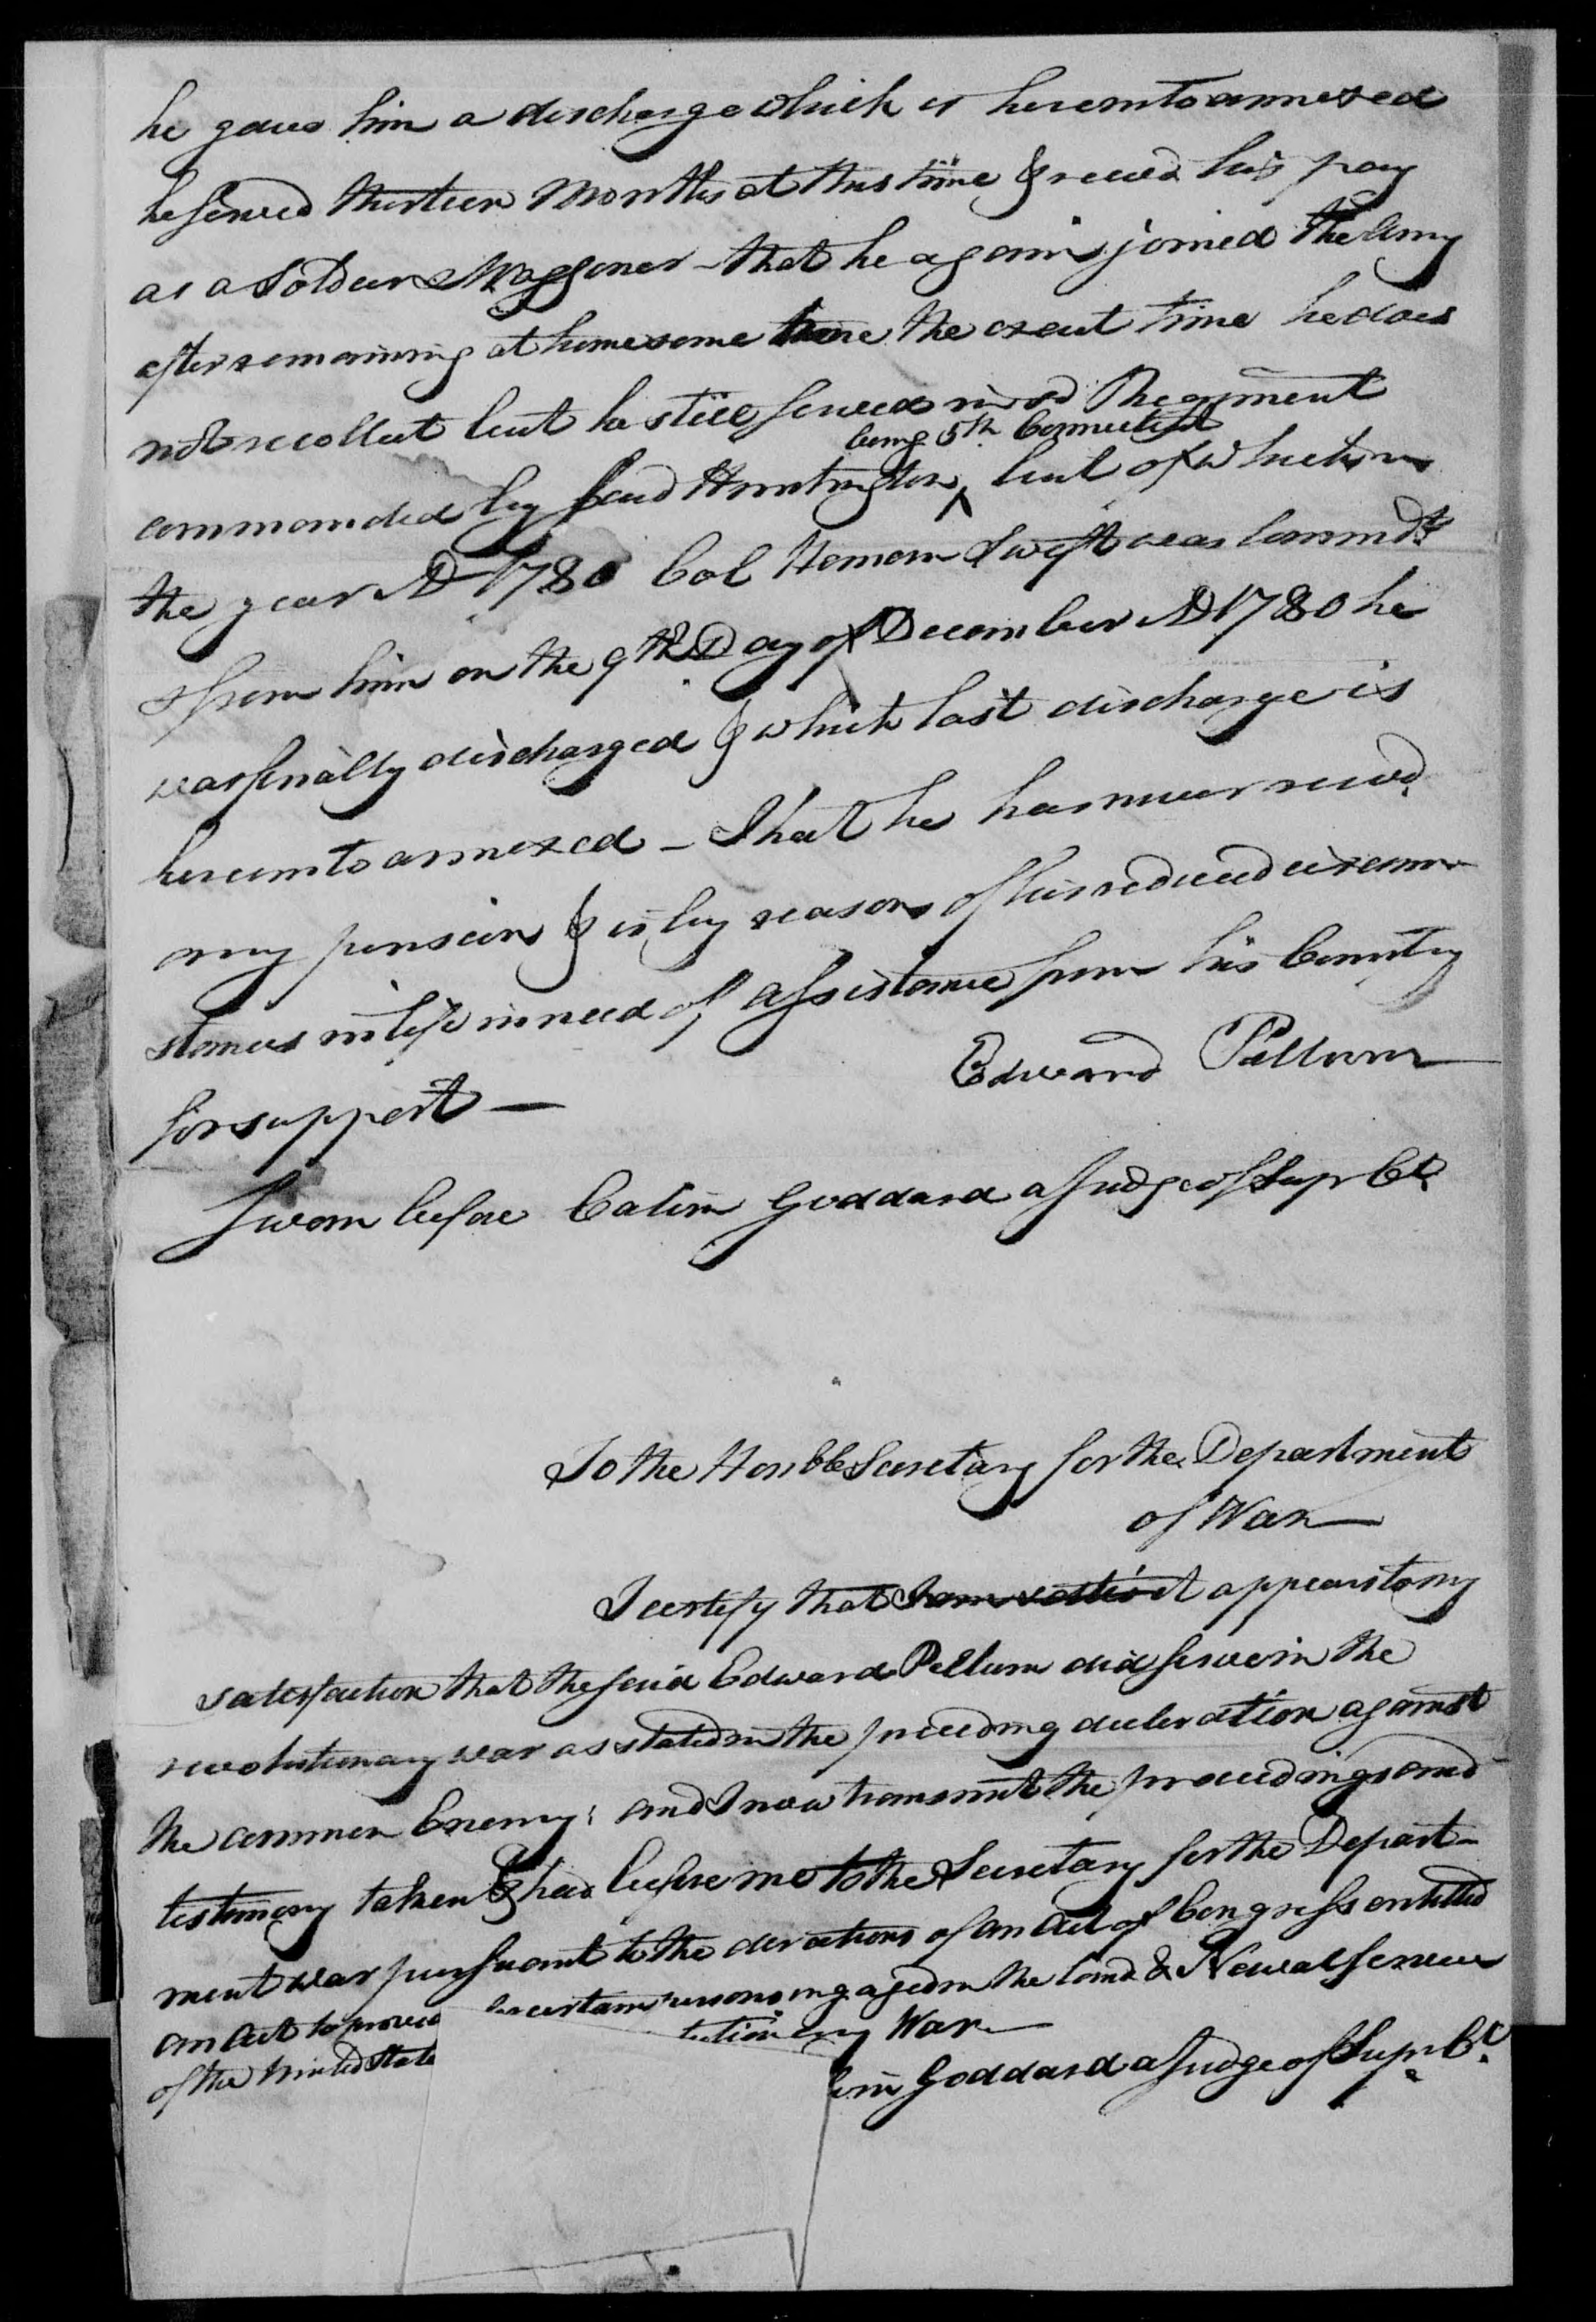he gave him a discharge which is hereunto annexed he served thirteen months at this time & reced his pay as a soldier & Waggoner - that he again joined the Army after remaining at home some time the exact time he does not recollect but he still served in sd Regiment commanded by said Huntington Comp 5th Connecticut line of which the year AD 1780 Col Heman Swift was [illegible] him on the 9th Day of December AD 1780 he was finally discharged & which last discharge is hereunto annexed - That he has never reced. any pensions & is by reason of his reduced circumstances in life in need of assistance from his country for support 
[signed] Edward Pellom
Sworn before Calvin Goddard a Judge of Supr Ct

To the Honble Secretary for the Department of War
I certify that it appears to my satisfaction that the said Edward Pellom did serve in the revolutionary war as stated on the preceding declaration against the common Enemy: and I now transmit the proceedings and testimony taken & has before me to the Secretary for the Department War pursuant to the directions of an Act of Congress entitled  an Act to provide certain persons engaged in the land & Naval service of the United States Revolutionary War
[signed] Calvin Goddard Judge of Supr Ct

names: Heman Swift; Calvin Goddard; Edward Pellom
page: 7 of 8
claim: survivor's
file: S. 36216, for Edward Pellom, Connecticut